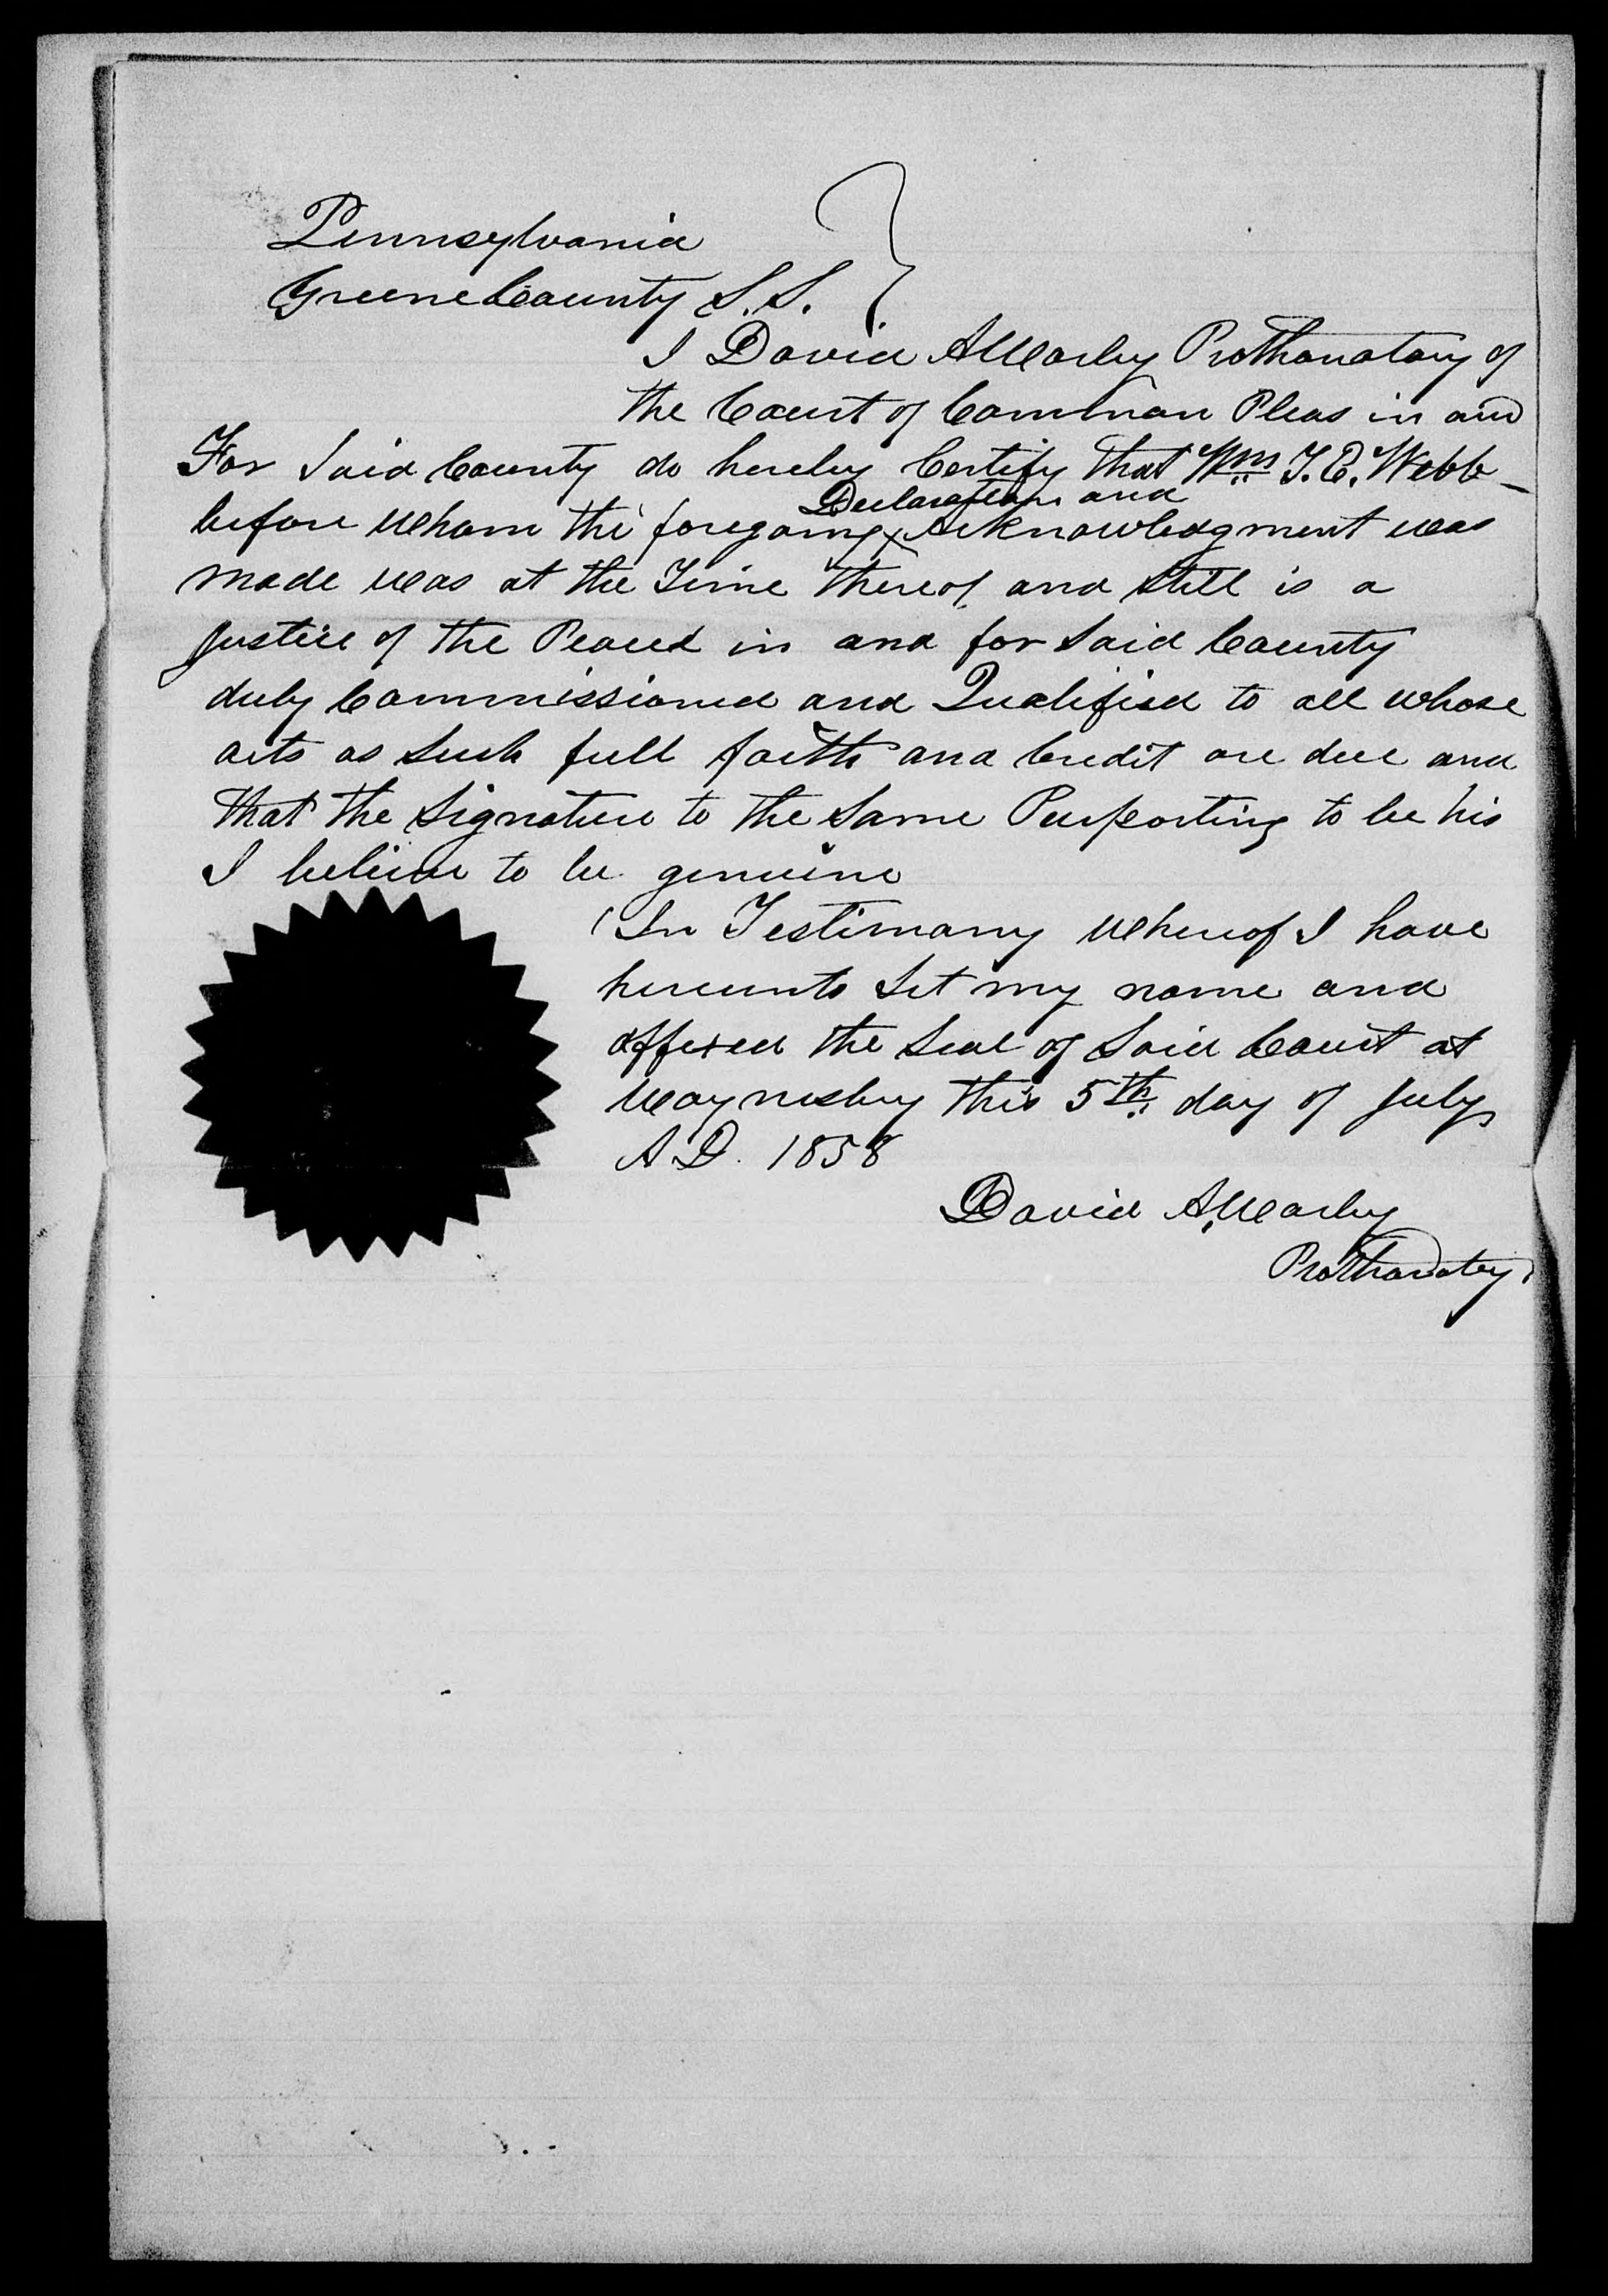Pennsylvania
GreeneCounty S.S.

I David A. Warley Prothonotary of
the Court of Common Pleas in and
For Said County do hereby Certify that Wm. T. E .Webb
before whom the foregoing [the following 3 words were inserted above the line] Declaration and Acknowledgment was
made was at the Time thereof and Still is a
Justice of the Peace in and for said County
duly commissioned and Qualified to all whose
acts as such full faith and Credit are due and
that the Signature to the Same Purporting to be his
I believe to be genuine
(In Testimony whereof I have
hereunto set my name and
affixed the Seal of Said Court at
Waynesburg this 5th day of July
A D 1858

David Warley
Prothonotary

[The seal is affixed to the left of the signature]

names: David A Warley, David A Warley, Wm T E Webb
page: 21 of 45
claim: widow's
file: W. 2734, Stephen Hetfield, New Jersey